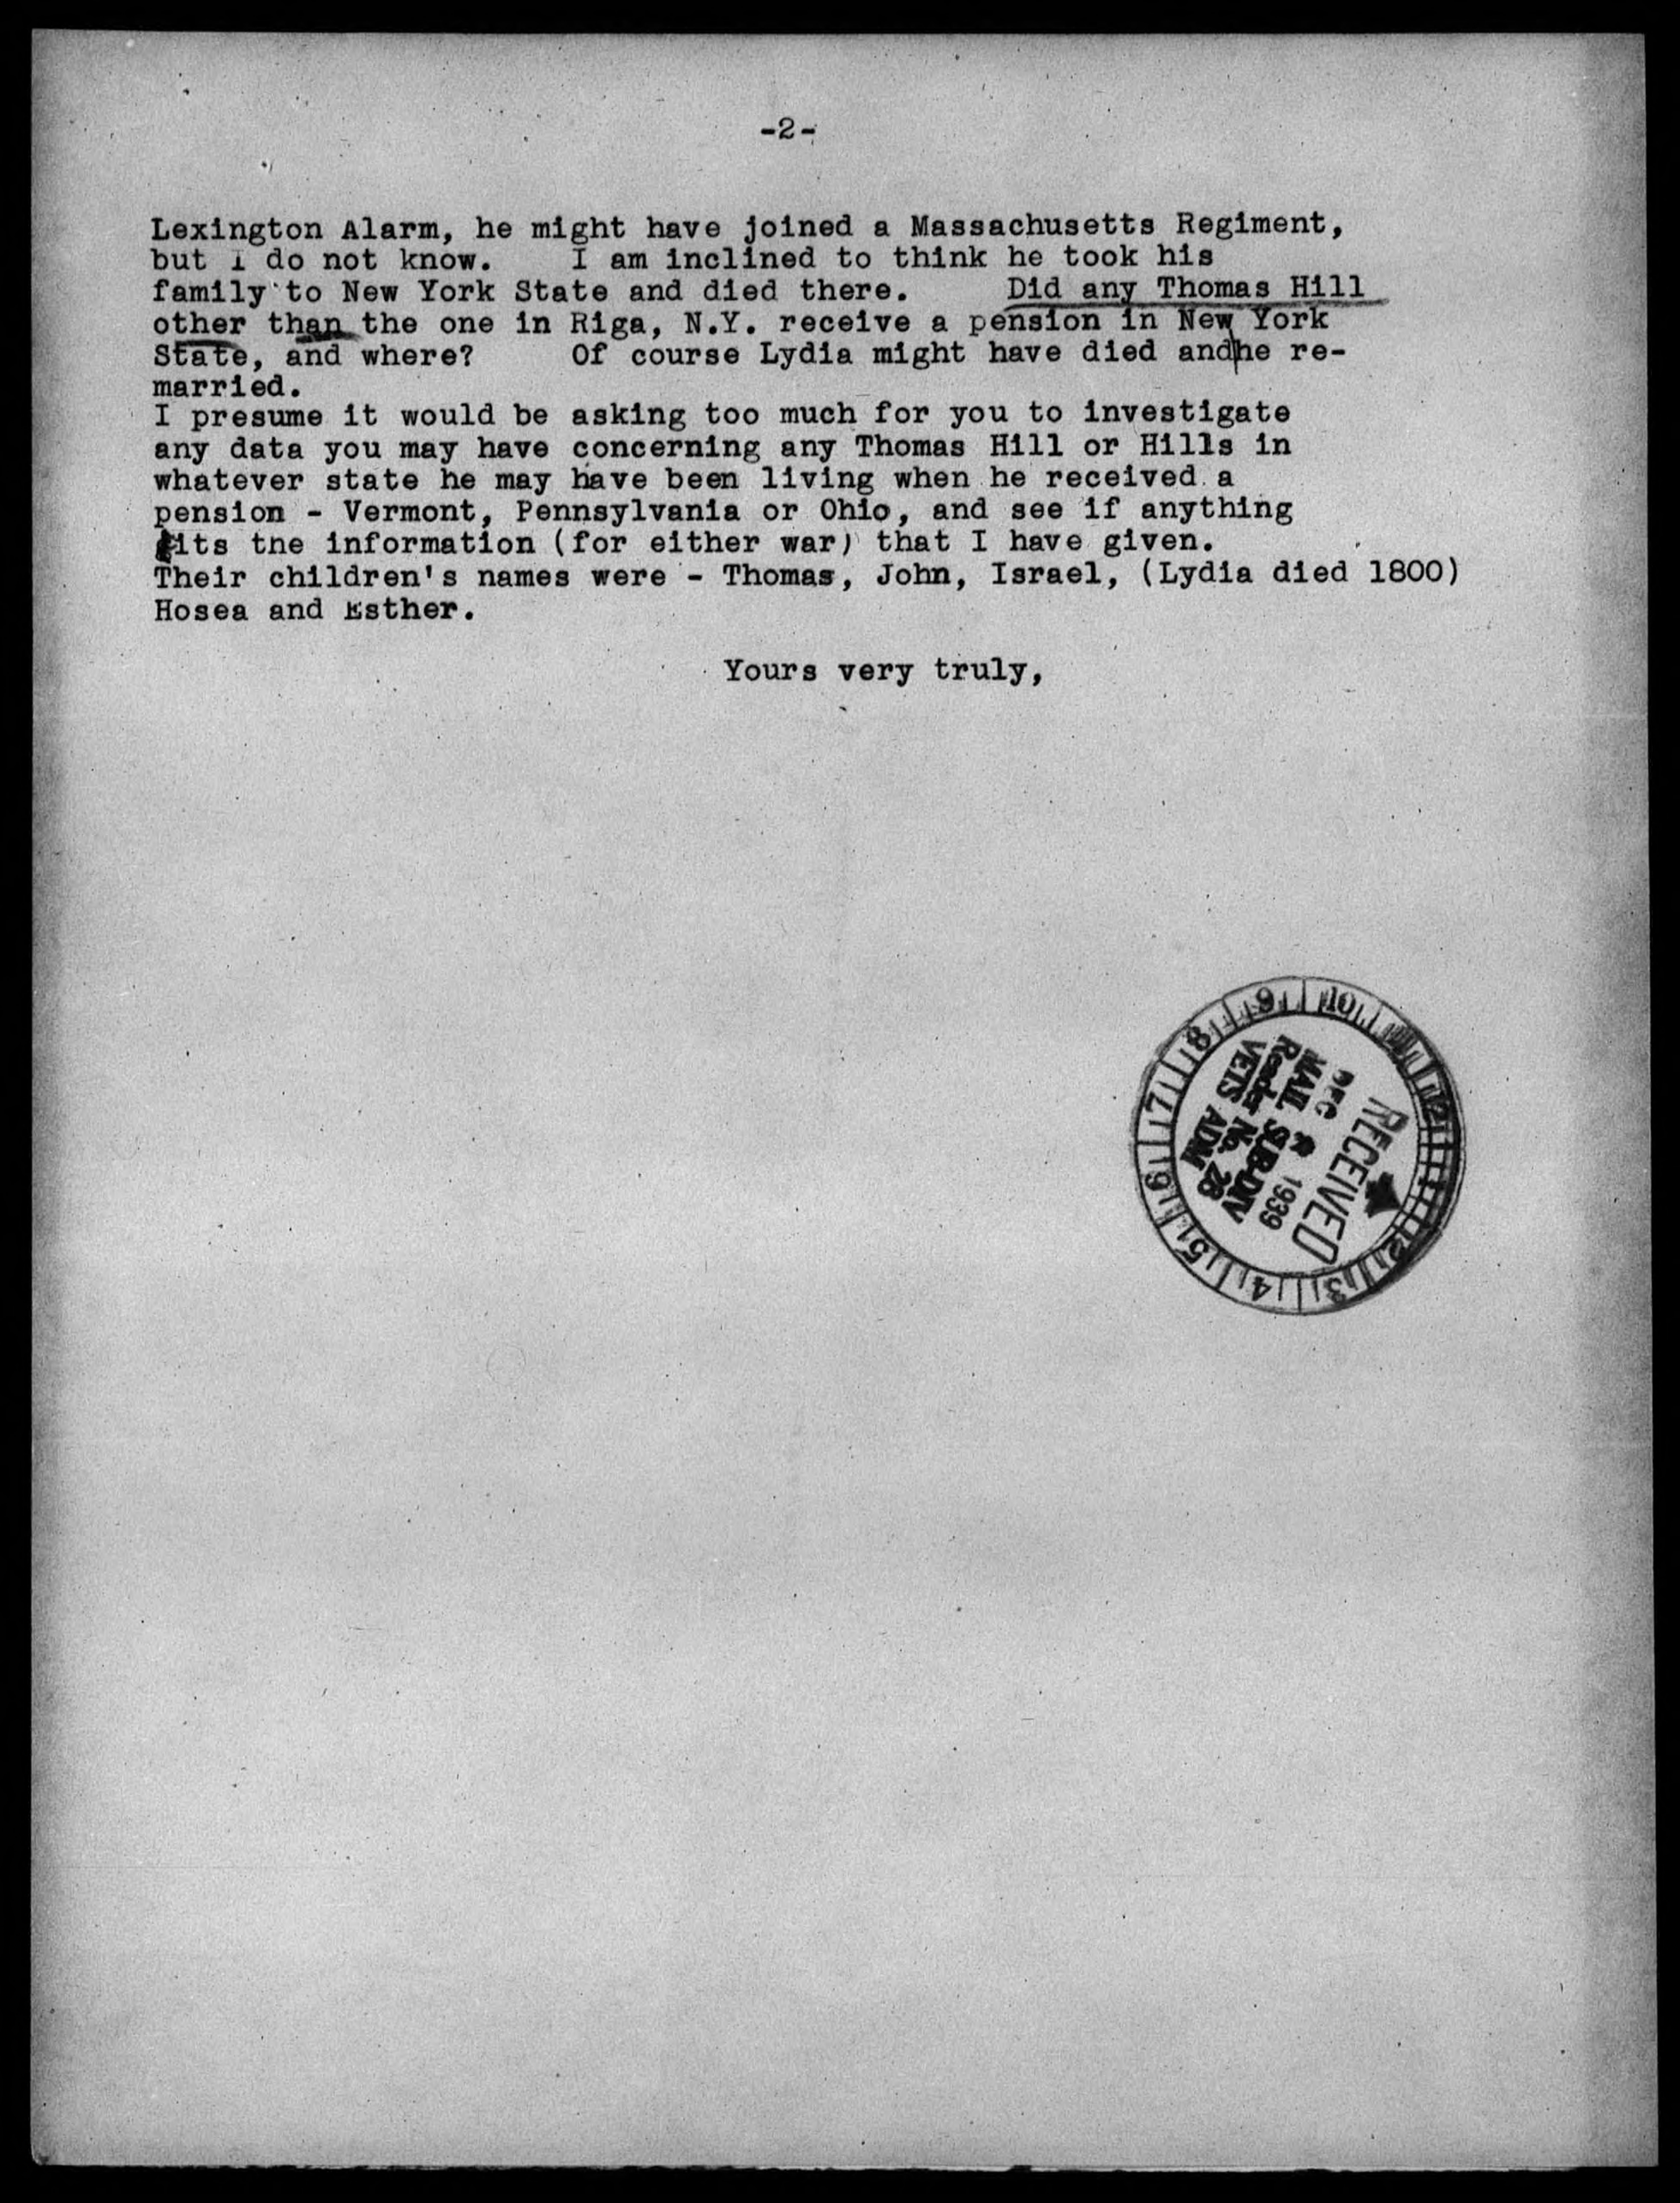[top of page, centered] -2-

[left-aligned] Lexington Alarm, he might have joined a Massachusetts Regiment, but I do not know. I am inclined to think he took his family to New York State and died there. [underlined, continuous] Did any Thomas Hill [underlined, single stroke] other [underlined, single stroke] than [end underlining] the one in Riga, N.Y. receive a pension in New York State, and where? Of course Lydia might have died andhe [vertical mark between “and” and “he”] re-married.
I presume it would be asking too much for you to investigate any data you may have concerning any Thomas Hill or Hills in whatever state he may have been living when he received a pension - Vermont, Pennsylvania or Ohio, and see if anything [mark] its the information (for either war) that I have given.
Their children’s names were - Thomas, John, Israel, (Lydia died 1800) Hosea and Esther.

[centered, slightly left] Yours very truly,

[stamp in bottom right corner, slanted downward] RECIEVED DEC [mark] 1939 MAIL SUB-DIV Reader No. 28 VETS ADM
[end of letter]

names: Esther, Lydia, Thomas, Lydia, Israel, Hosea, Thomas Hills, John, Thomas Hill, Thomas Hill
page: 26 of 31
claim: survivor's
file: S. 43672, Thomas Hill, New York